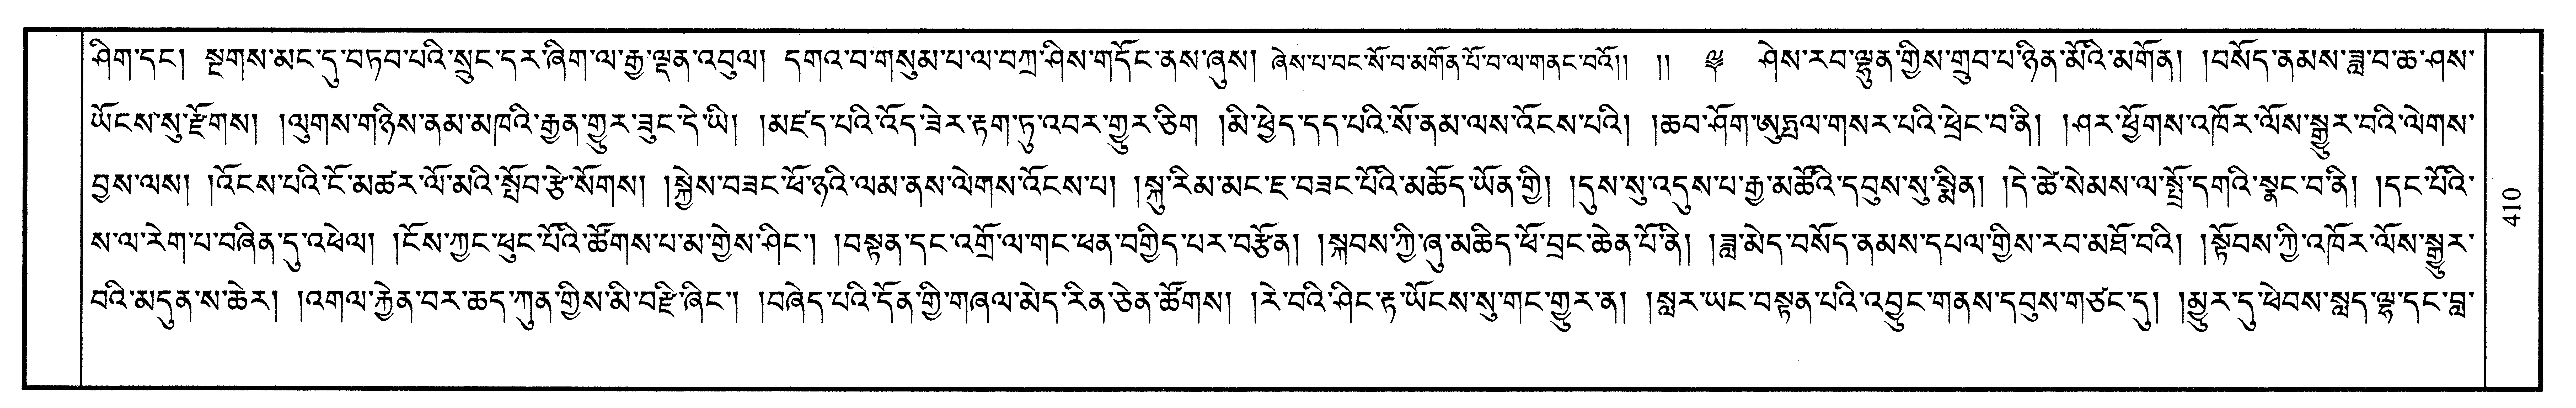ཤིག་དང་། སྔགས་མང་དུ་བཏབ་པའི་སྲུང་དར་ཞིག་ལ་རྒྱ་ལྡན་འབུལ། དགའ་བ་གསུམ་པ་ལ་བཀྲ་ཤིས་གདོང་ནས་ཞུས། ཞེས་པ་བང་སོ་བ་མགོན་པོ་བ་ལ་གནང་བའོ།། །། ༈ ཤེས་རབ་ལྷུན་གྱིས་གྲུབ་པ་ཉིན་མོའི་མགོན། །བསོད་ནམས་ཟླ་བ་ཆ་ཤས་
ཡོངས་སུ་རྫོགས། །ལུགས་གཉིས་ནམ་མཁའི་རྒྱན་གྱུར་ཟུང་དེ་ཡི། །མཛད་པའི་འོད་ཟེར་རྟག་ཏུ་འབར་གྱུར་ཅིག །མི་ཕྱེད་དད་པའི་སོ་ནམ་ལས་འོངས་པའི། །ཆབ་ཤོག་ཨུཏྤལ་གསར་པའི་ཕྲེང་བ་ནི། །ཤར་ཕྱོགས་འཁོར་ལོས་སྒྱུར་བའི་ལེགས་
བྱས་ལས། །འོངས་པའི་ངོ་མཚར་ལོ་མའི་སྤོབ་རྩེ་སོགས། །སྐྱེས་བཟང་ཕོ་ཉའི་ལམ་ནས་ལེགས་འོངས་པ། །སྐུ་རིམ་མང་ཇ་བཟང་པོའི་མཆོད་ཡོན་གྱི། །དུས་སུ་འདུས་པ་རྒྱ་མཚོའི་དབུས་སུ་སྨིན། །དེ་ཚེ་སེམས་ལ་སྤྲོ་དགའི་སྣང་བ་ནི། །དང་པོའི་
ས་ལ་རེག་པ་བཞིན་དུ་འཕེལ། །ངོས་ཀྱང་ཕུང་པོའི་ཚོགས་པ་མ་གྱེས་ཤིང་། །བསྟན་དང་འགྲོ་ལ་གང་ཕན་བགྱིད་པར་བརྩོན། །སྐབས་ཀྱི་ཞུ་མཆིད་ཕོ་བྲང་ཆེན་པོ་ནི། །ཟླ་མེད་བསོད་ནམས་དཔལ་གྱིས་རབ་མཐོ་བའི། །སྟོབས་ཀྱི་འཁོར་ལོས་སྒྱུར་
བའི་མདུན་ས་ཆེར། །འགལ་རྐྱེན་བར་ཆད་ཀུན་གྱིས་མི་བརྫི་ཞིང་། །བཞེད་པའི་དོན་གྱི་གཞལ་མེད་རིན་ཅེན་ཚོགས། །རེ་བའི་ཤིང་རྟ་ཡོངས་སུ་གང་གྱུར་ན། །སླར་ཡང་བསྟན་པའི་འབྱུང་གནས་དབུས་གཙང་དུ། །མྱུར་དུ་ཕེབས་སླད་ལྷ་དང་བླ་